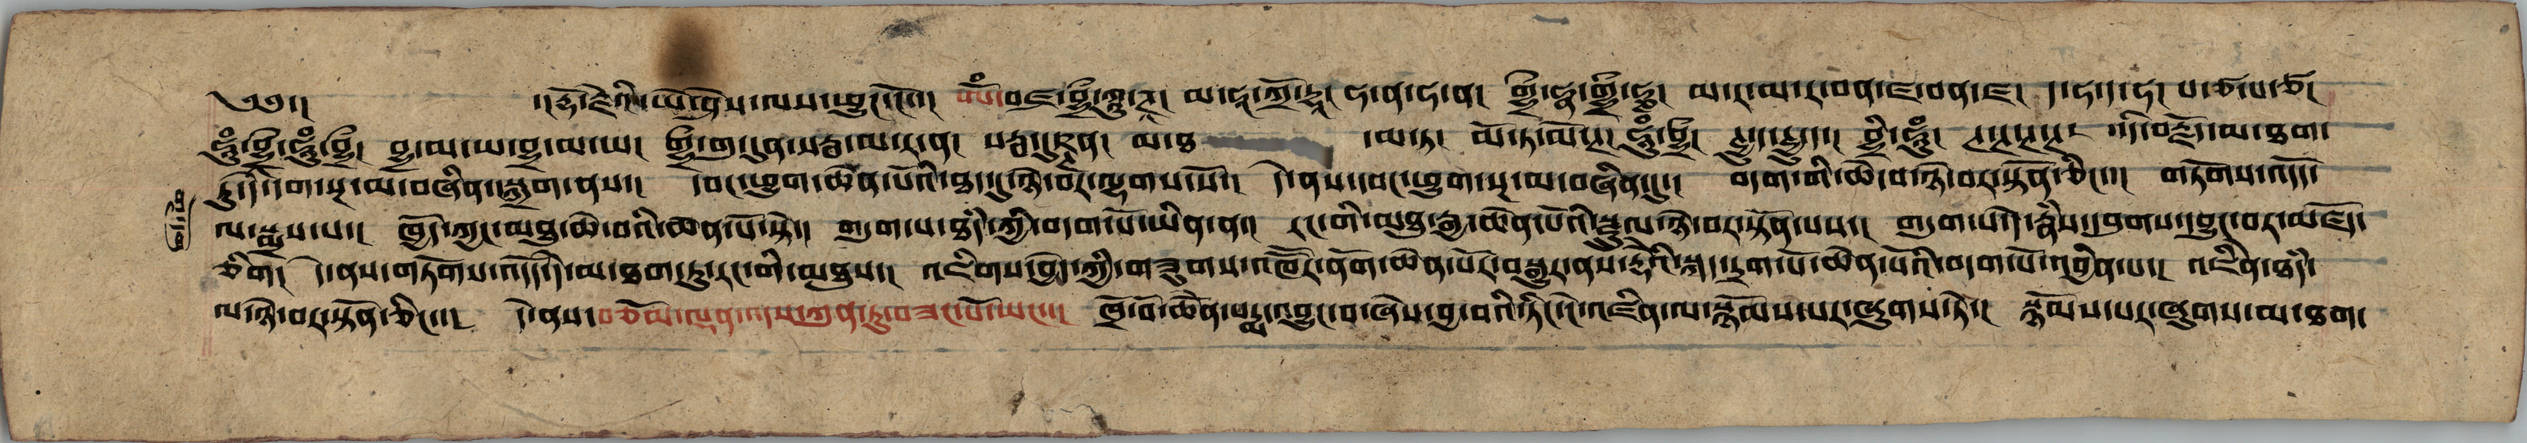༄༅་། ་།རྡོ་རྗེའི་ཡེ་ཤེས་ལས་ཕྱུང་ངོ་། ཨོཾ་བཛྲ་བྷྲྀ་ཀཱུ་ཊཱ། མ་ཧཱ་ཀྲོ་དྷཱ་ཧ་ན་ཧ་ན། གྷྲྀ་ཧྣ་གྷྲྀ་ཧྣ། མ་ར་མ་ར་བན་ཛ་བན་ཛ། ད་ཧ་ད་ཧ། པ་ཙ་པ་ཙ།
ཧཱུཾ་བྷྲྀ་ཧཱུཾ་བྷྲྀ། བྷྲ་མ་ཡ་བྷྲ་མ་ཡ། གྷྲྀ་གུ་དུན་སརྦ་མ་ར་ན། སརྦ་དུཥྚན། མ་ཐ ་མ་ཏ། མོ་ཏ་མོ་ཊ་ཧཱུཾ་བྷྲྀ། ཊྱ་ད་ཊྱ་ད་། བྷྲི་ཧཱུཾ། ཊ་ཊ་ཊ་ཊ། འདི་བརྗོད་མ་ཐག་
ཏུ་དེ་དག་སྔ་མ་བཞིན་སྐྲག་ནས་། དབང་ཕྱུག་ཆེན་པོའི་ཐད་དུ་ཉེ་བར་ལྷགས་སོ་། དེ་ནས་དབང་ཕྱུག་སྔ་མ་བཞིན་དུ་། བདག་གི་ཆེ་བ་ཉེ་བར་སྟོན་ཅིང་་། གཏོགས་འདོད་
ལ་སྨྲས་པ་། ཁྱོད་ཀྱང་མཐུ་ཆེ་བའི་ཆེན་པོ་སྟེ་། གདུག་པ་ཐདཾ་ཀྱི་བདག་པོ་ཡིན་ན་། རང་གི་མཐུ་རྒྱ་ཆེན་པོའི་སྫྲུལ་ཉེ་བར་སྟོན་པས་། གདུག་པ་དེ་རྣཾས་དབུགས་དབྱུང་བར་མཛོད་
ཅིག། དེ་ནས་གཏོགས་འདོད་དེ་མ་ཐག་ཏུ་རང་གི་མཐུས་། འཇིགས་བྱེད་ཀྱི་གཟུགས་འཁཽར་ནགོ་ཆེན་པོར་བསྒྱུར་ནས་རྡོའི་སྐད་དྲག་པོ་ཆེན་པོའི་བདག་པོ་འབྱིན་པ་། འཇིནེ་ཐདཾ་
ལ་ཉེ་བར་སྟོན་ཅིང་་། དེ་ནས་བཅོམ་ལྡན་འདས་ཀུན་ཏུ་བཟང་པོ་ཡང་་། ཁྲོ་བོ་ཆེནོ་པདྨ་འབྱུང་བ་ཞེས་བྱ་བའི་ཏིང་ངེ་འཛིན་ལ་སྙོམས་པར་ཞུགས་ཏེ་། སྙོམས་པར་ཞུགས་མ་ཐག་